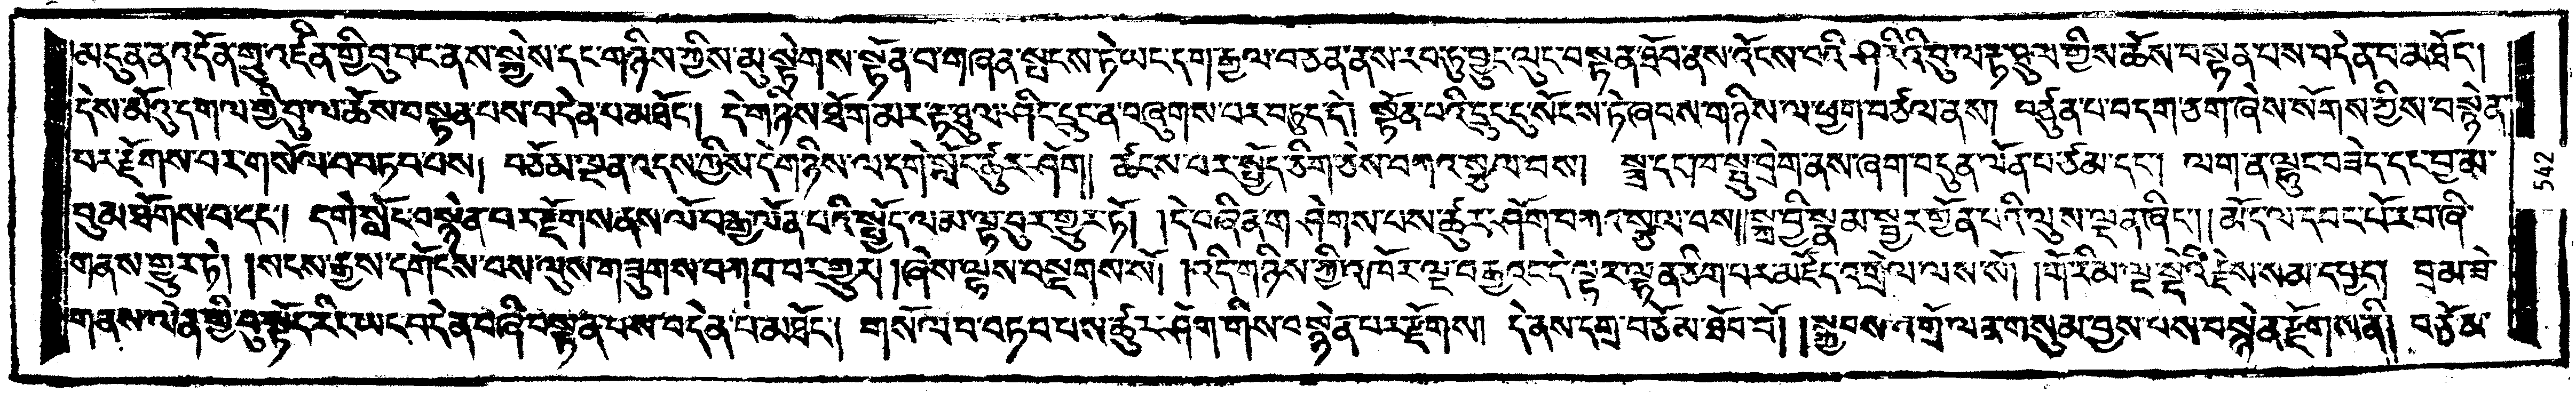མདུན་ན་འདོན་གུ་འཛིན་གྱི་བུ་བང་ནས་སྐྱེས་དང་གཉིས་ཀྱིས་མུ་སྟེགས་སྟོན་པ་གཞན་སྤངས་ཏེ་ཡང་དག་རྒྱལ་བ་ཅན་ནས་རབ་ཏུ་བྱུང་ལུང་བསྟན་ཐོབ་ནས་འོངས་པའི་ཤ་རིའི་བུ་ལ་རྟ་ཐུལ་གྱིས་ཆོས་བསྟན་པས་བདེན་པ་མཐོང་།
དེས་མོའུ་དགལ་གྱི་བུ་ལ་ཆོས་བསྟན་པས་བདེན་པ་མཐོང་། དེ་གཉིས་ཐོག་མར་རྟ་ཐུལ་ཤིང་དྲུང་ན་བཞུགས་པར་བཏུད་དེ། སྟོན་པའི་དྲུང་དུ་སོངས་ཏེ་ཞབས་གཉིས་ལ་ཕྱག་བཙལ་ནས། བཙུན་པ་བདག་ཅག་ཞེས་སོགས་ཀྱིས་བསྙེན་
པ་རྫོགས་པར་གསོལ་བ་བཏབ་པས། བཅོམ་ལྡན་འདས་ཀྱིས་དེ་གཉིས་ལ་དགེ་སློང་ཚུར་ཤོག། ཚངས་པར་སྤྱོད་ཅིག་ཅེས་བཀའ་སྩལ་བས། སྐྲ་དང་ཁ་སྤུ་བྲེག་ནས་ཞག་བདུན་ལོན་པ་ཙམ་དང་། ལག་ན་ལྷུང་བཟེད་དང་བྱ་མ་
བུམ་ཐོགས་པ་དང་། དགེ་སློང་བསྙེན་པར་རྫོགས་ནས་ལོ་བརྒྱ་ལོན་པའི་སྤྱོད་ལམ་ལྟ་བུར་གྱུར་ཏེ། །དེ་བཞིན་གཤེགས་པས་ཚུར་ཤོག་བཀའ་སྩལ་བས། །སྐྲ་བྱི་སྣམ་སྦྱར་གྱོན་པའི་ལུས་ལྡན་ཞིང་། །མདོ་ལ་དབང་པོ་རབ་ཞི་
གནས་གྱུར་ཏེ། །སངས་རྒྱས་དགོངས་བས་ལུས་གཟུགས་བཀབ་པར་གྱུར། །ཞེས་ལྷས་བསྔགས་སོ། །འདི་གཉིས་ཀྱི་འཁོར་ལྔ་བརྒྱའང་དེ་ལྟར་ལྷན་ཅིག་པར་མཛོད་འགྲེལ་ལས་སོ། །གོ་རིམ་ལྔ་སྡེའི་རྗེས་སམ་དཔྱད། དྲམ་ཟེ་
གནས་ལེན་གྱི་བུ་སྟོང་རིང་ཡང་བདེན་བཞི་བསྟན་བས་བདེན་པ་མཐོང་། གསོལ་བ་བཏབ་པས་ཚུར་ཤོག་གིས་བསྙེན་པར་རྫོགས། དེ་ནས་དགྲ་བཅོམ་ཐོབ་བོ། །སྐྱབས་འགྲོ་ལན་གསུམ་བྱས་པས་བསྙེན་རྫོགས་ནི། བཅོམ་